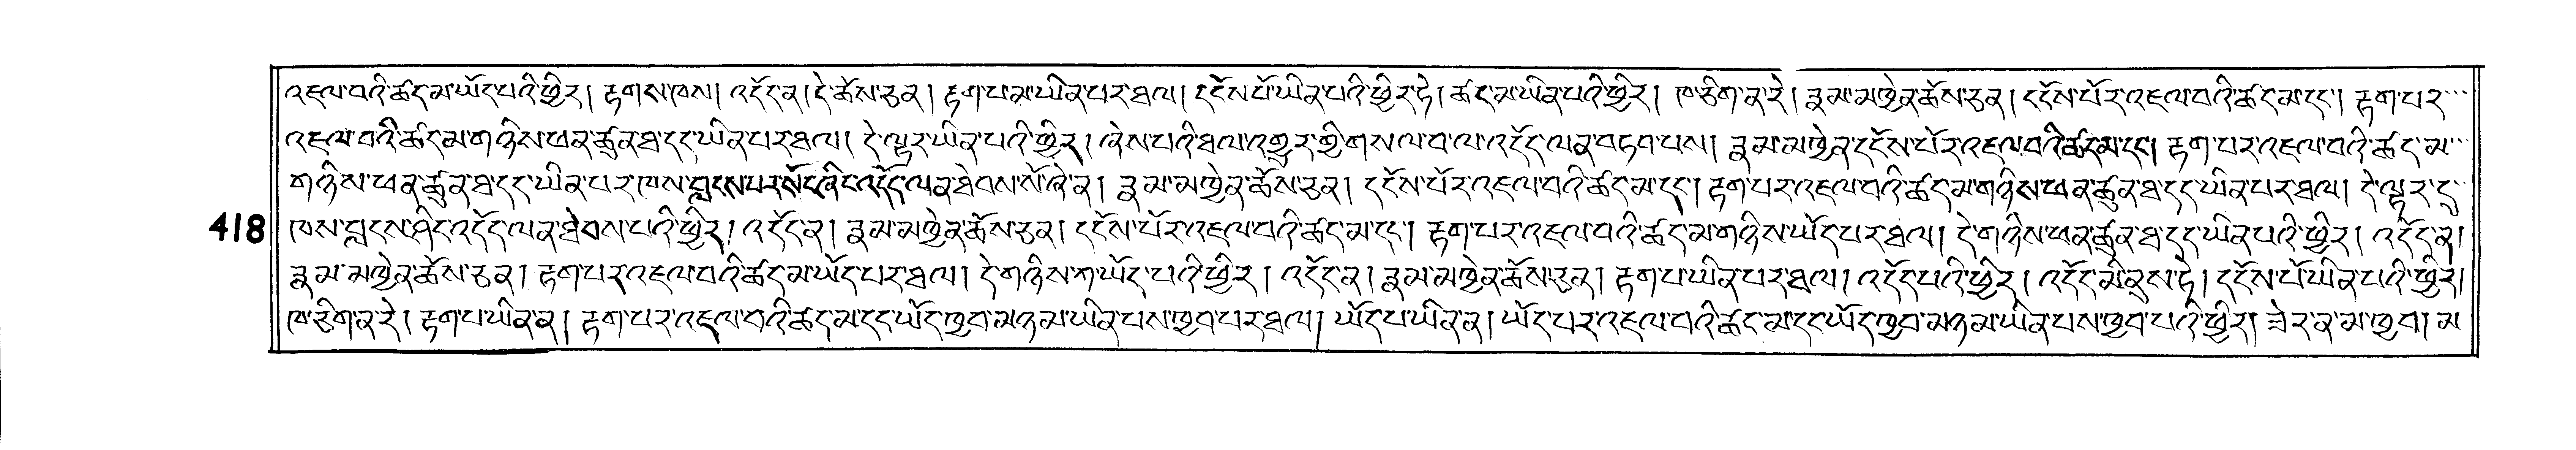འཇལ་བའི་ཚད་མ་ཡོད་པའི་ཕྱིར། རྟགས་ཁས། འདོད་ན། དེ་ཆོས་ཅན། རྟག་པ་མ་ཡིན་པར་ཐལ། དངོས་པོ་ཡིན་པའི་ཕྱིར་ཏེ། ཐད་མ་ཡིན་པའི་ཕྱིར། ཁ་ཅིག་ན་རེ། རྣམ་མཁྱེན་ཆོས་ཅན། དངོས་པོར་འཇལ་བའི་ཚད་མ་དང་། རྟག་པར་
འཇལ་བའི་ཚད་མ་གཉིས་ཕན་ཚུན་ཐ་དད་ཡིན་པར་ཐལ། དེ་ལྟར་ཡིན་པའི་ཕྱིར། ཞེས་པའི་ཐལ་འགྱུར་གྱི་གསལ་བ་ལ་འདོད་ལན་བཏབ་པས། རྣམ་མཁྱེན་དངོས་པོར་འཇལ་བའི་ཚད་མ་དང་། རྟག་པར་འཇལ་བའི་ཚད་མ་
གཉིས་ཕན་ཚུན་ཐ་དད་ཡིན་པར་ཁས་བླངས་པར་སོང་ཞིག་འདོད་ལན་ཐེགས་སོ་ཞེ་ན། རྣམ་མཁྱེན་ཆོས་ཅན། དངོས་པོར་འཇལ་བའི་ཚད་མ་དང་། རྟག་པར་འཇལ་བའི་ཚད་མ་གཉིས་ཕན་ཚུན་ཐ་དད་ཡིན་པར་ཐལ། དེ་ལྟར་དེ་
ཁས་བླངས་ཤིང་འདོད་ལན་ཐེབས་པའི་ཕྱིར། འདོད་ན། རྣམ་མཁྱེན་ཆོས་ཅན། དངོས་པོར་འཇལ་བའི་ཚད་མ་དང་། རྟག་པར་འཇལ་བའི་ཚད་མ་གཉིས་ཡོད་པར་ཐལ། དེ་གཉིས་ཕན་ཚུན་ཐ་དད་ཡིན་པའི་ཕྱིར། འདོད་ན་
རྣམ་མཁྱེན་ཆོས་ཅན། རྟག་པར་འཇལ་བའི་ཚད་མ་ཡོད་པར་ཐལ། དེ་གཉིས་ཀ་ཡོད་པའི་ཕྱིར། འདོད་ན། རྣམ་མཁྱེན་ཆོ་ཅན། རྟག་པ་ཡིན་པར་ཐལ། འདོད་པའི་ཕྱིར། འདོད་མི་ནུས་ཏེ། དངོས་པོ་ཡིན་པའི་ཕྱིར།
ཁ་ཅིག་རེ། རྟག་པ་ཡིན་ན། རྟག་པར་འཇལ་བའི་ཚད་མ་དང་ཡོད་ཁྱབ་མཉམ་ཡིན་པས་ཁྱབ་པར་ཐལ། ཡོད་པ་ཡིན་ན། ཡོད་པར་འཇལ་བའི་ཚད་མ་དང་ཡོད་ཁྱབ་མཉམ་ཡིན་པས་ཁྱབ་པའི་ཕྱིར། ཟེར་ན་མ་ཁྱབ་མ་